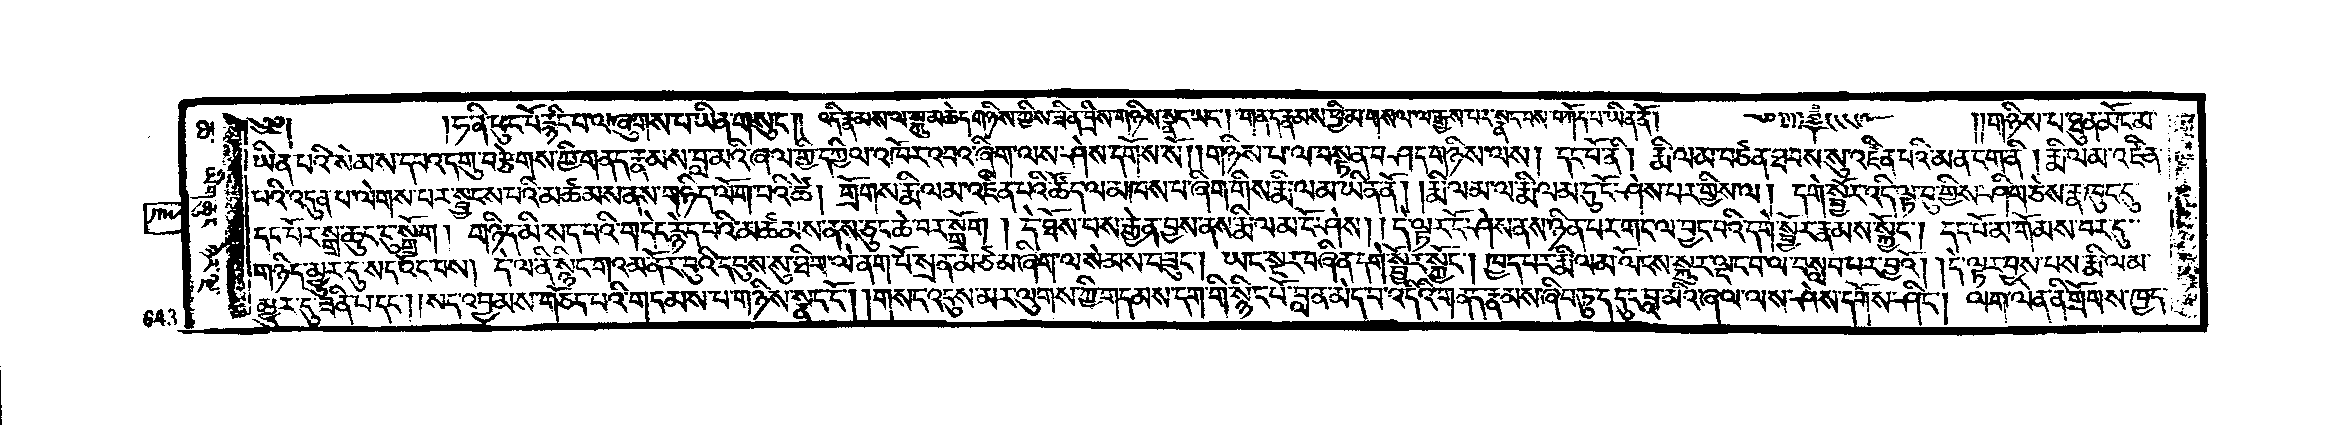༄༅། །ཧ་ནི་ཕུང་པོ་རྙིང་པ་ལ་ཞུགས་པ་ཡིན་གསུང།། འདི་རྣམས་ལ་སྐུ་མཆེད་གཉིས་ཀྱིས་ཟིན་བྲིས་གཉིས་སྣང་ཡང་། གནད་རྣམས་ཕྱི་མ་གསལ་ལ་རྒྱས་པར་སྣང་བས་བཀོད་པ་ཡིན་ནོ།  ༈ །། གཉིས་པ་ཐུན་མོང་མ་
ཡིན་པའི་སེམས་དཔའ་དགུ་བརྩེགས་ཀྱི་གནད་རྣམས་བླ་མའི་ཞལ་གྱི་དཀྱིལ་འཁོར་འབའ་ཞིག་ལས་ཤེས་དགོས་སོ། །གཉིས་པ་ལ་བསྟན་བཤད་གཉིས་ལས། དང་པོ་ནི། རྨི་ལམ་བཙན་ཐབས་སུ་འཛིན་པའི་མན་ངག་ནི། རྨི་ལམ་འཛིན་
པའི་འདུན་པ་ལེགས་པར་སྦྱངས་པའི་མཚམས་ནས་གཉིད་ལོག་པའི་ཚེ། གྲོགས་རྨི་ལམ་འཛིན་པའི་ཚོད་ལ་མཁས་པ་ཞིག་གིས་རྨི་ལམ་ཡིན་ནོ། །རྨི་ལམ་ལ་རྨི་ལམ་དུ་ངོ་ཤེས་པར་གྱིས་ལ། དགེ་སྦྱར་འདི་ལྟ་བུ་གྱིས་ཤིག་ཅེས་རྣ་ཁུང་དུ་
དང་པོར་སྒྲ་ཆུང་དུ་སྒྲོག །གཉིད་མི་སད་པའི་གདེང་རྙེད་པའི་མཚམས་ནས་ཅུང་ཆེ་བར་སྒྲོག །དེ་ཐོས་པས་རྒྱེན་བྱས་ནས་རྨི་ལམ་ངོ་ཤེས། །དེ་ལྟར་དོ་ཤེས་ནས་ཉིན་པར་གང་ལ་བྱང་བའི་དགེ་སྦྱོར་རྣམས་སྐྱོང་། དང་པོ་མ་གོམས་བར་དུ་
གཉིད་མྱུར་དུ་སད་འོང་བས། དེ་ལ་ནི་སྙིང་གའམ་ནོར་བུའི་དབུས་སུ་ཐིག་ལེ་ནག་པོ་སྲན་མ་ཙམ་ཞིག་ལ་སེམས་བཟུང་། ཡང་སྔར་བཞིན་དགེ་སྦྱོར་སྐྱོང་། ཁྱད་པར་རྨི་ལམ་ལོངས་སྐུར་ལྡང་བ་ལ་བསླབ་པར་བྱའོ། །དེ་ལྟར་བྱས་པས་རྨི་ལམ་
མྱུར་དུ་ཟིན་པ་དང་། སད་འབྱམས་གཅོད་པའི་གདམས་པ་གཉིས་སྣང་ངོ། །གསང་འདུས་མར་ལུགས་ཀྱི་གདམས་དག་གི་སྙིང་པོ་བླ་ན་མེད་པ་འདིའི་གནད་རྣམས་ཞིབ་ཏུ་ད་དུང་བླ་མའི་ཞལ་ལས་ཤེས་དགོས་ཤིང་། ལག་ལེན་ནི་གྲོགས་ཁྱད་